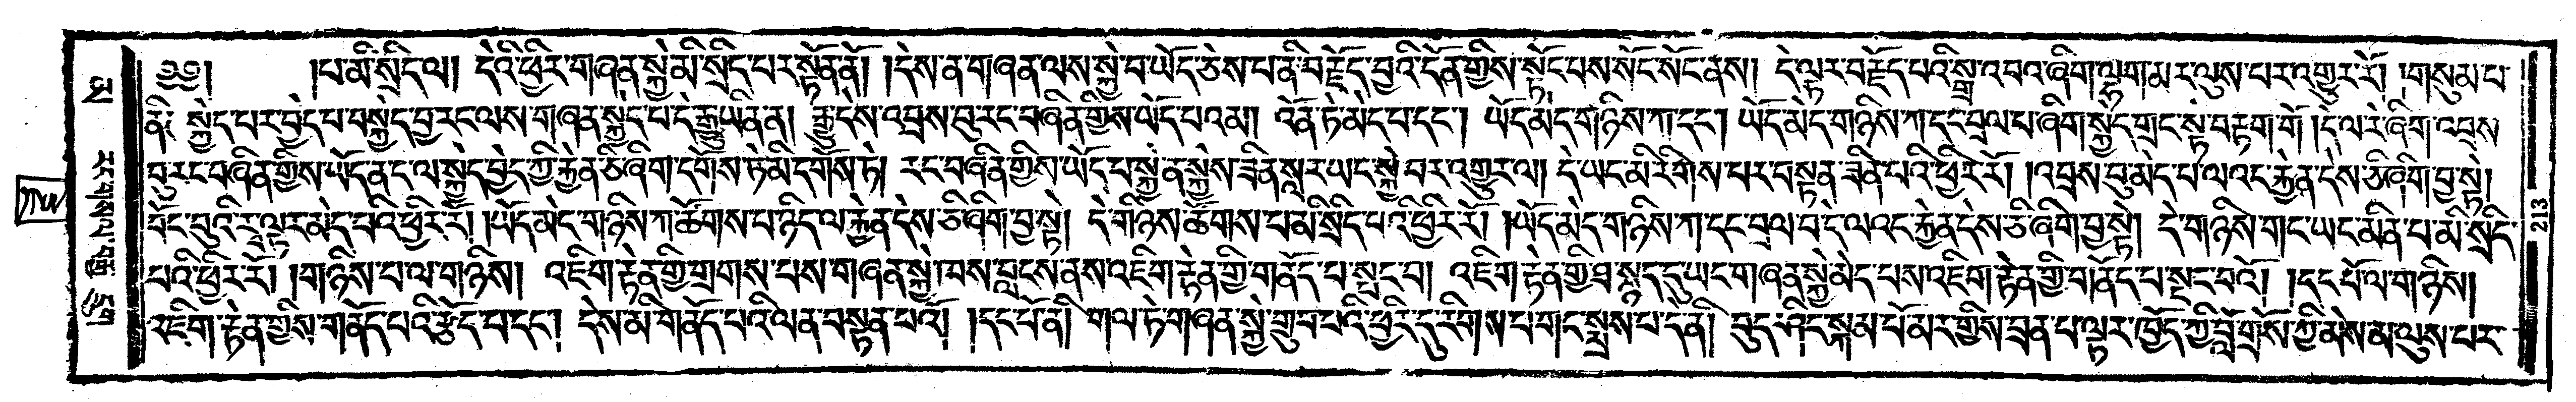༄༅། །པ་མི་སྲིད་ལ། དེའི་ཕྱིར་གཞན་སྐྱེ་མི་སྲིད་པར་སྟོན་ཏོ། །དེས་ན་གཞན་ལས་སྐྱེ་བ་ཡོད་ཅེས་པ་ནི་བརྗོད་བྱའི་དོན་གྱིས་སྟོང་པས་སོང་སོང་ནས། དེ་ལྟར་བརྗོད་པའི་སྒྲ་འབའ་ཞིག་ལྷག་མར་ལུས་པར་འགྱུར་རོ། །གསུམ་པ་
ནི༑ སྐྱེད་པར་བྱེད་པ་བསྐྱེད་བྱ་རང་ལས་གཞན་སྐྱེད་པ་དེ་རྒྱུ་ཡིན་ན། རྒྱུ་དེས་འབྲས་བུ་རང་བཞིན་གྱིས་ཡོད་པའམ། འོན་ཏེ་མེད་པ་དང་། ཡོད་མེད་གཉིས་ཀ་དང་། ཡོད་མེད་གཉིས་ཀ་དང་བྲལ་བ་ཞིག་སྐྱེད་གྲང་སྟེ་བརྟག་གོ །དེ་ལ་རེ་ཞིག་འབྲས་
བུ་རང་བཞིན་གྱིས་ཡོད་ན་དེ་ལ་སྐྱེད་བྱེད་ཀྱི་རྐྱེན་ཅི་ཞིག་དགོས་ཏེ་མི་དགོས་ཏེ། རང་བཞིན་གྱིས་ཡོད་པ་སྐྱེ་ན་སྐྱེས་ཟིན་སླར་ཡང་སྐྱེ་བར་འགྱུར་ལ། དེ་ཡང་མི་རིགས་པར་བསྟན་ཟིན་པའི་ཕྱིར་རོ། །འབྲས་བུ་མེད་པ་ལའང་རྐྱེན་དེས་ཅི་ཞིག་བྱ་སྟེ།
བོང་བུའི་རྭ་ལྟར་མེད་པའི་ཕྱིར་རོ། །ཡོད་མེད་གཉིས་ཀ་ཚོགས་པ་ཉིད་ལ་རྐྱེན་དེས་ཅི་ཞིག་བྱ་སྟེ། དེ་གཉིས་ཚོགས་པ་མི་སྲིད་པའི་ཕྱིར་རོ། །ཡོད་མེད་གཉིས་ཀ་དང་བྲལ་བ་དེ་ལའང་རྐྱེན་དེས་ཅི་ཞིག་བྱ་སྟེ། དེ་གཉིས་གང་ཡང་མིན་པ་མི་སྲིད་
པའི་ཕྱིར་རོ། །གཉིས་པ་ལ་གཉིས། འཇིག་རྟེན་གྱི་གྲགས་པས་གཞན་སྐྱེ་ཁས་བླངས་ནས་འཇིག་རྟེན་གྱི་གནོད་པ་སྤང་བ། འཇིག་རྟེན་གྱི་ཐ་སྙད་དུ་ཡང་གཞན་སྐྱེ་མེད་པས་འཇིག་རྟེན་གྱི་གནོད་པ་སྤང་བའོ། །དང་པོ་ལ་གཉིས།
འཇིག་རྟེན་གྱིས་གནོད་པའི་རྩོད་པ་དང་། དེས་མི་གནོད་པའི་ལན་བསྟན་པའོ། །དང་པོ་ནི། གལ་ཏེ་གཞན་སྐྱེ་གྲུབ་པའི་ཕྱིར་དུ་རིགས་པ་གང་སྨྲས་པ་དེ་ནི། བུད་ཤིང་སྐམ་པོ་མར་གྱིས་བྲན་པ་ལྟར་ཁྱོད་ཀྱི་བློ་གྲོས་ཀྱི་མེས་མ་ལུས་པར་